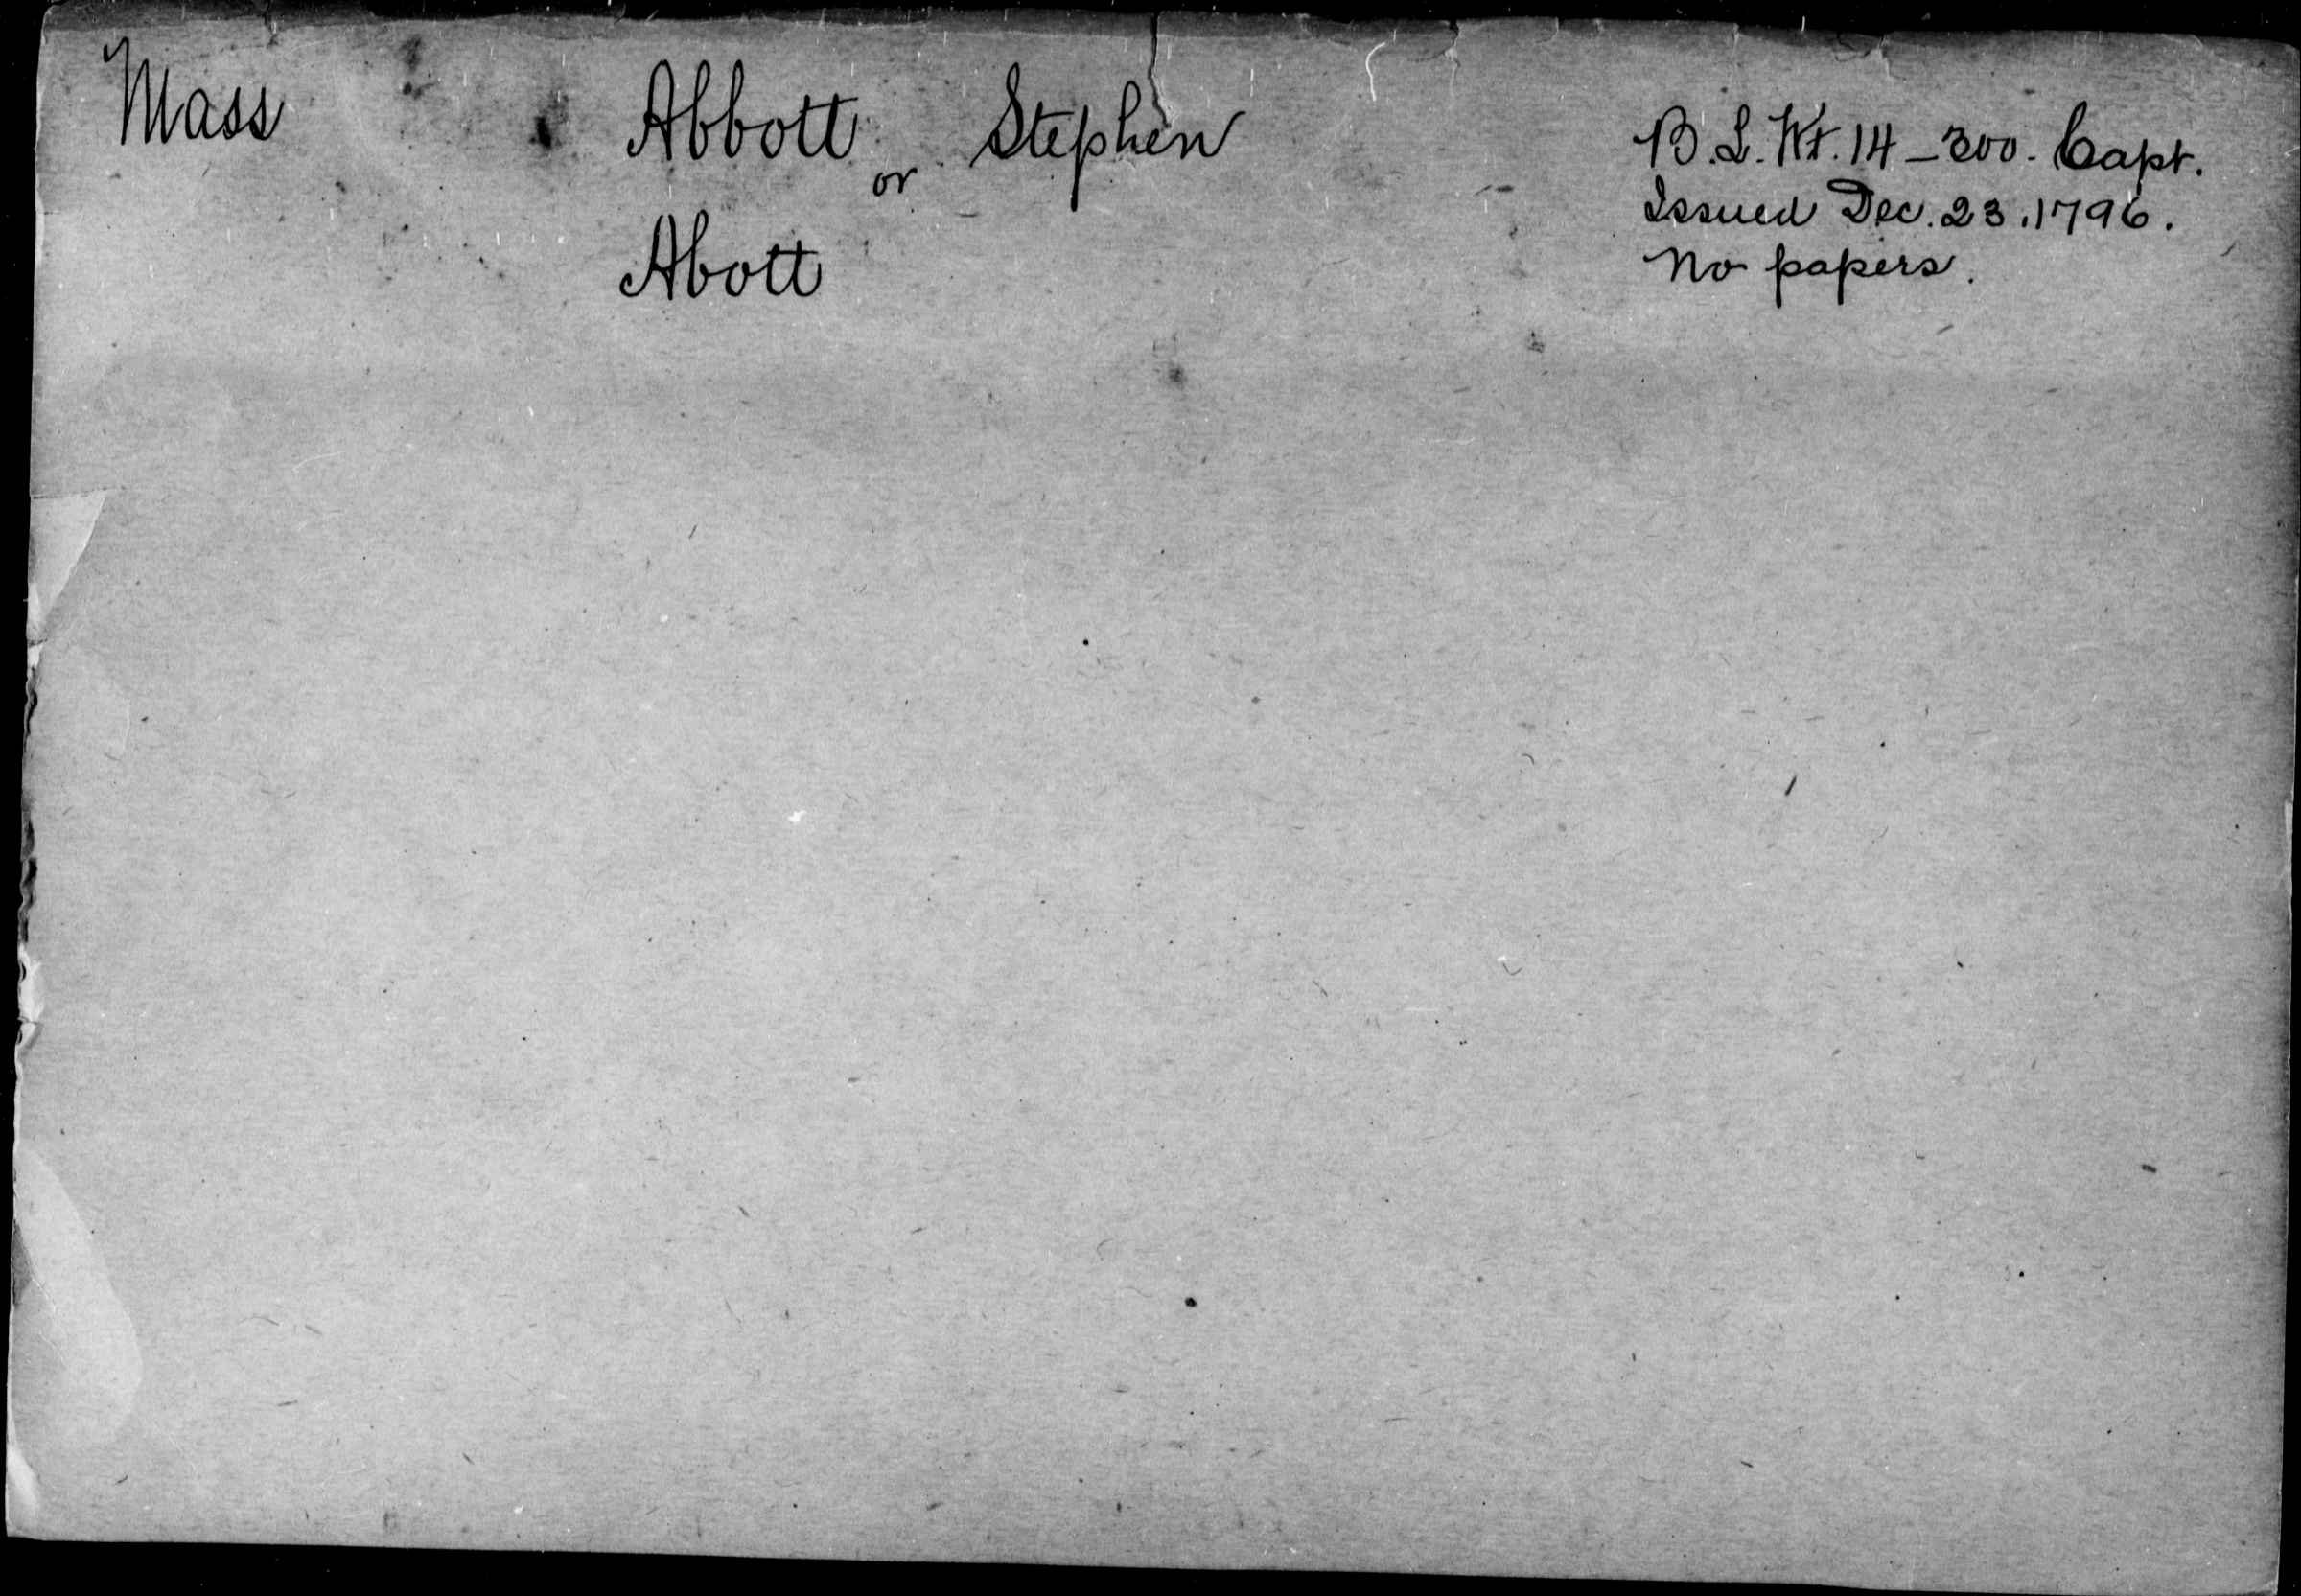Mass Abbott or Stephen  B.S.ht.14-illegible-bapt.
           Abott                      Issued Dec.23.1796
                                          no papers.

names: Stephen Abott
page: 1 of 1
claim: bounty land warrant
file: B. L. Wt. 14-300, Stephen Abbott, Mass